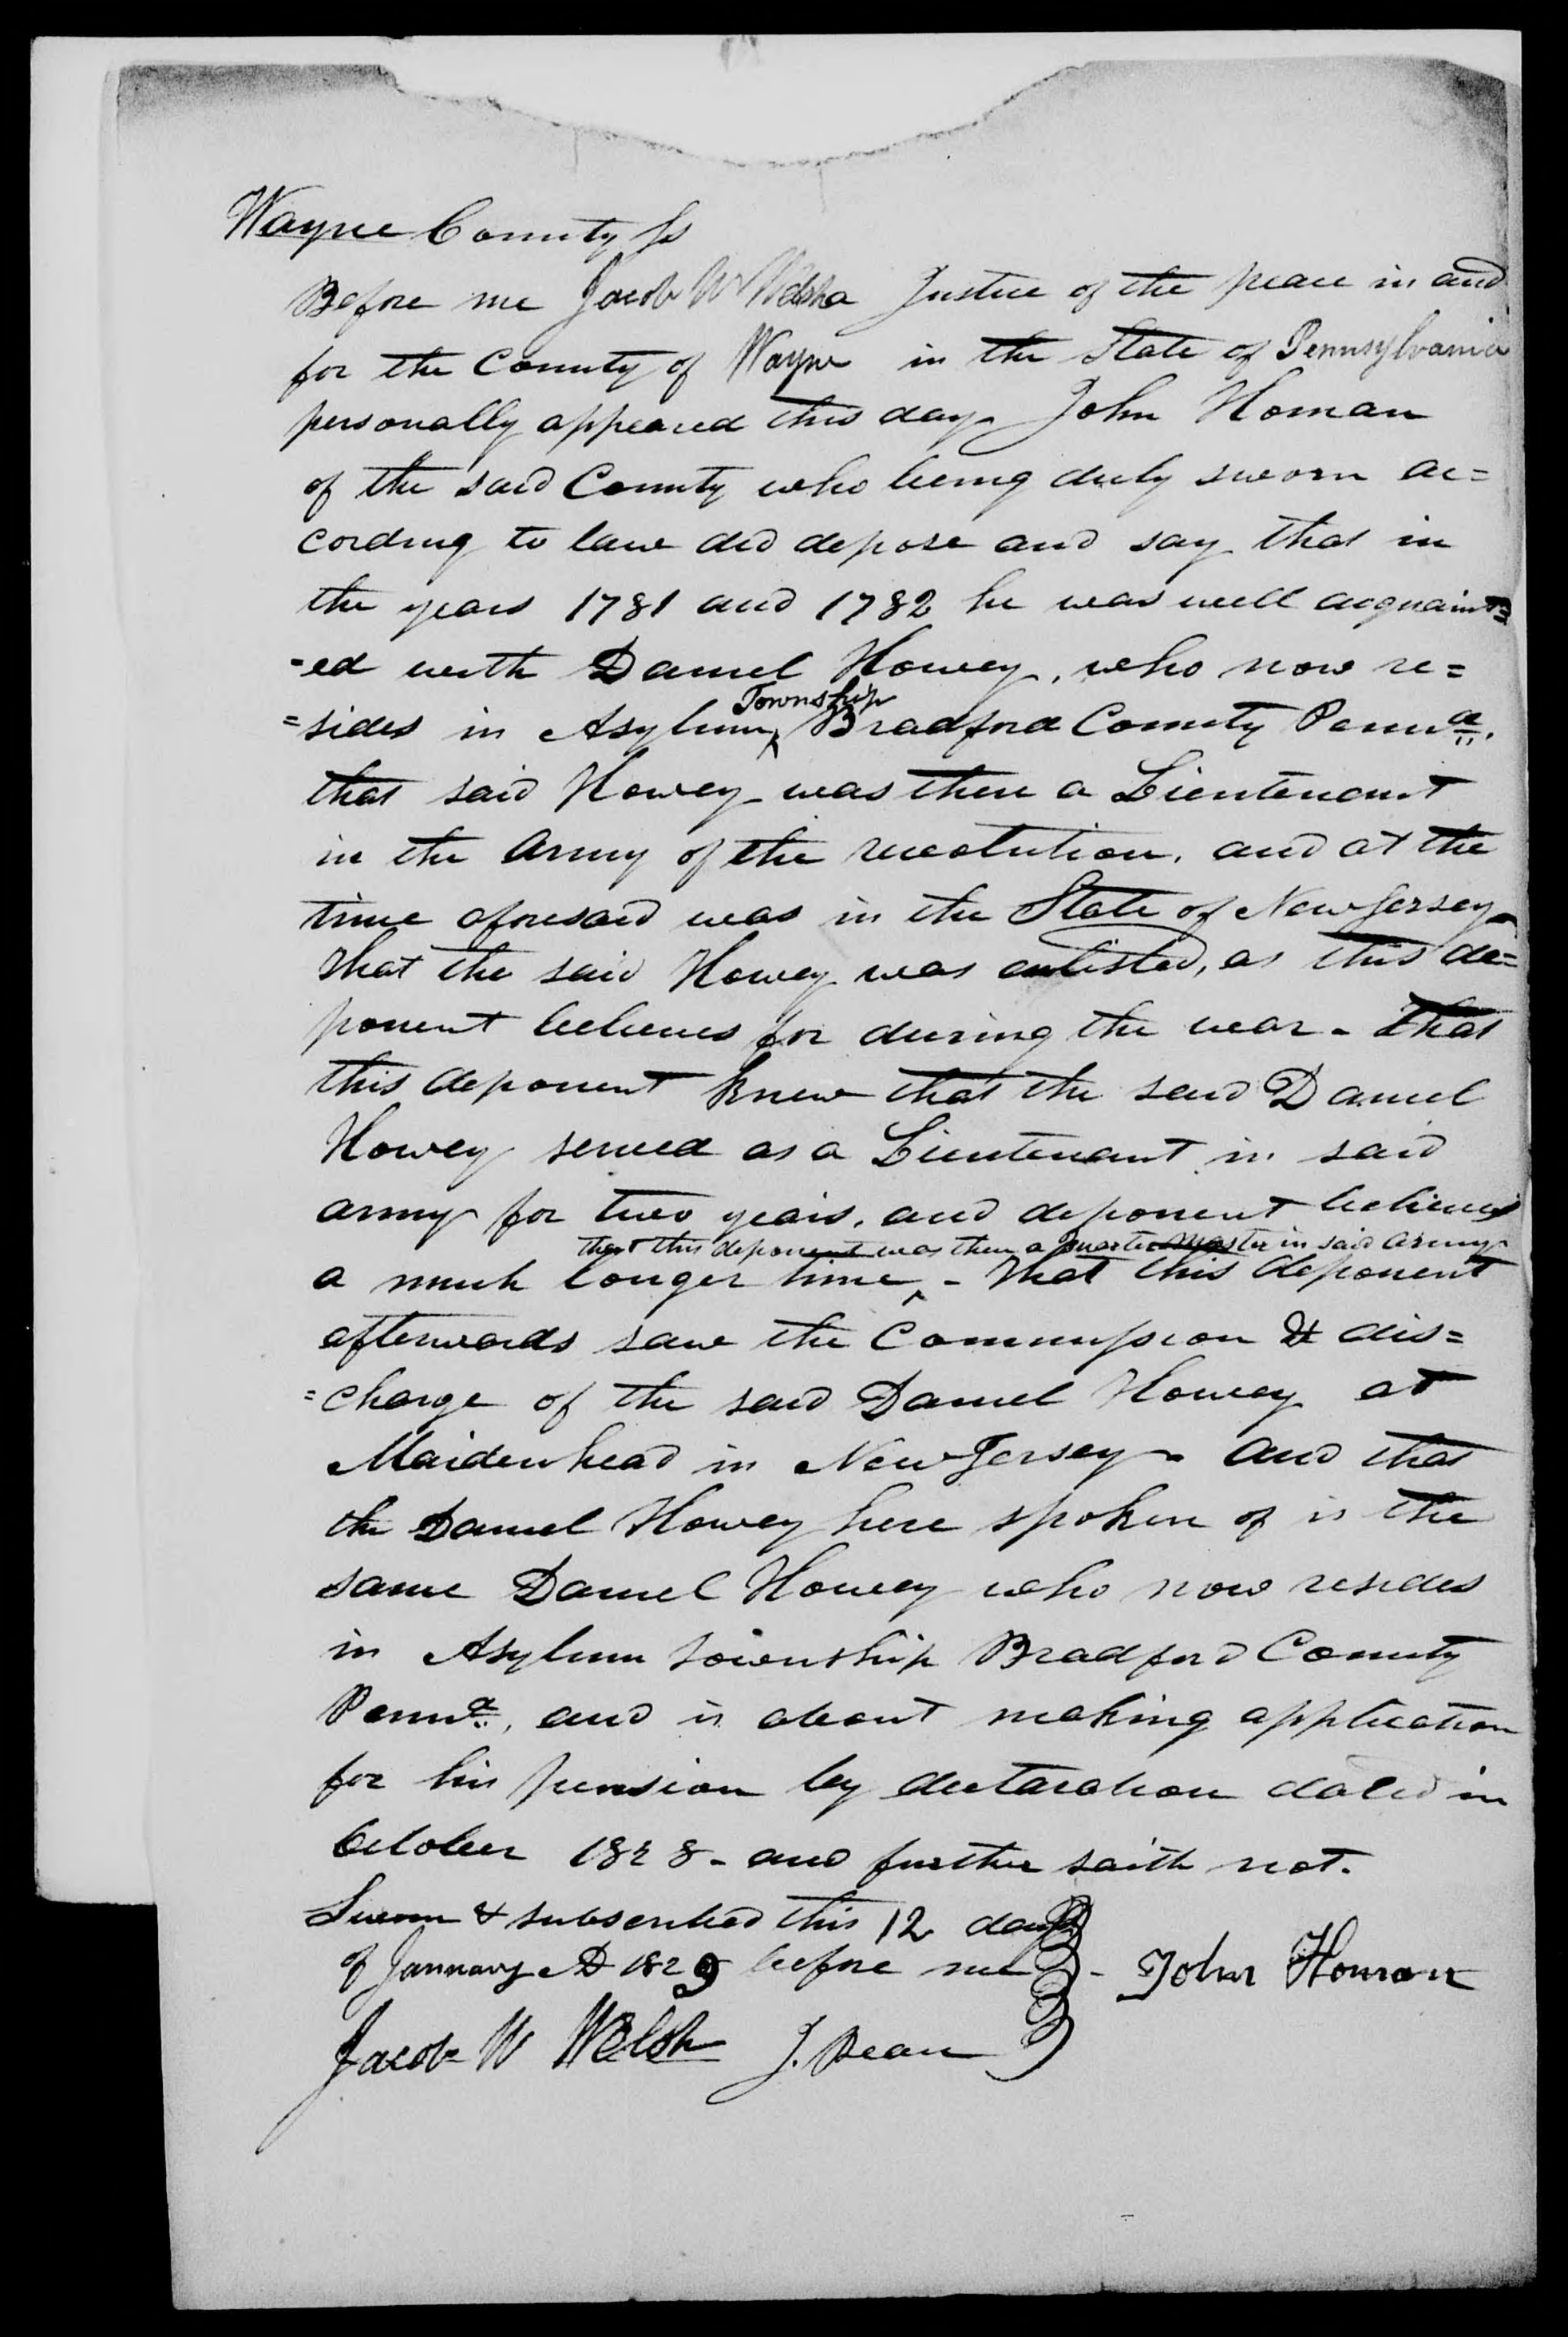Wayne County P
Before me Jacob W Welsh, a Justice of the peace in and for the County of Wayne in the State of Pennsylvania personally appeared this day John Homan of the said county who being duly sworn according to law did depose and say that in the years 1781 and 1782 he was well acquainted with Daniel Howey, who now resides in Asylum Township, Bradford County Penna. That said Howey was then a Lieutenant in the Army of the revolution and at the time aforesaid was in the State of New Jersey that the said Howey was enlisted, as this deponent believes for during the war. That this deponent knew that the said Daniel Howey served as a Lieutenant in said army for two years, and deponent believed a much longer time. That this deponent was then a Quartermaster in said army. That this deponent afterwards said the commission and discharge of the said Daniel Howey at Maidenhead in New Jersey and that the Daniel Howey who now resides in Asylum Township Bradford County Penna, and is about making application for his pension by declaration dated in October 1828, and further saith not. Sworn and subscribed this 12 day of January AD 1829 before me [ink swirls] John Homan Jacob W Welsh, J. Peace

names: Jacob W Welsh, Daniel Howey, John Homan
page: 19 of 25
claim: rejected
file: R. 5190, Daniel Howey, New Jersey New York